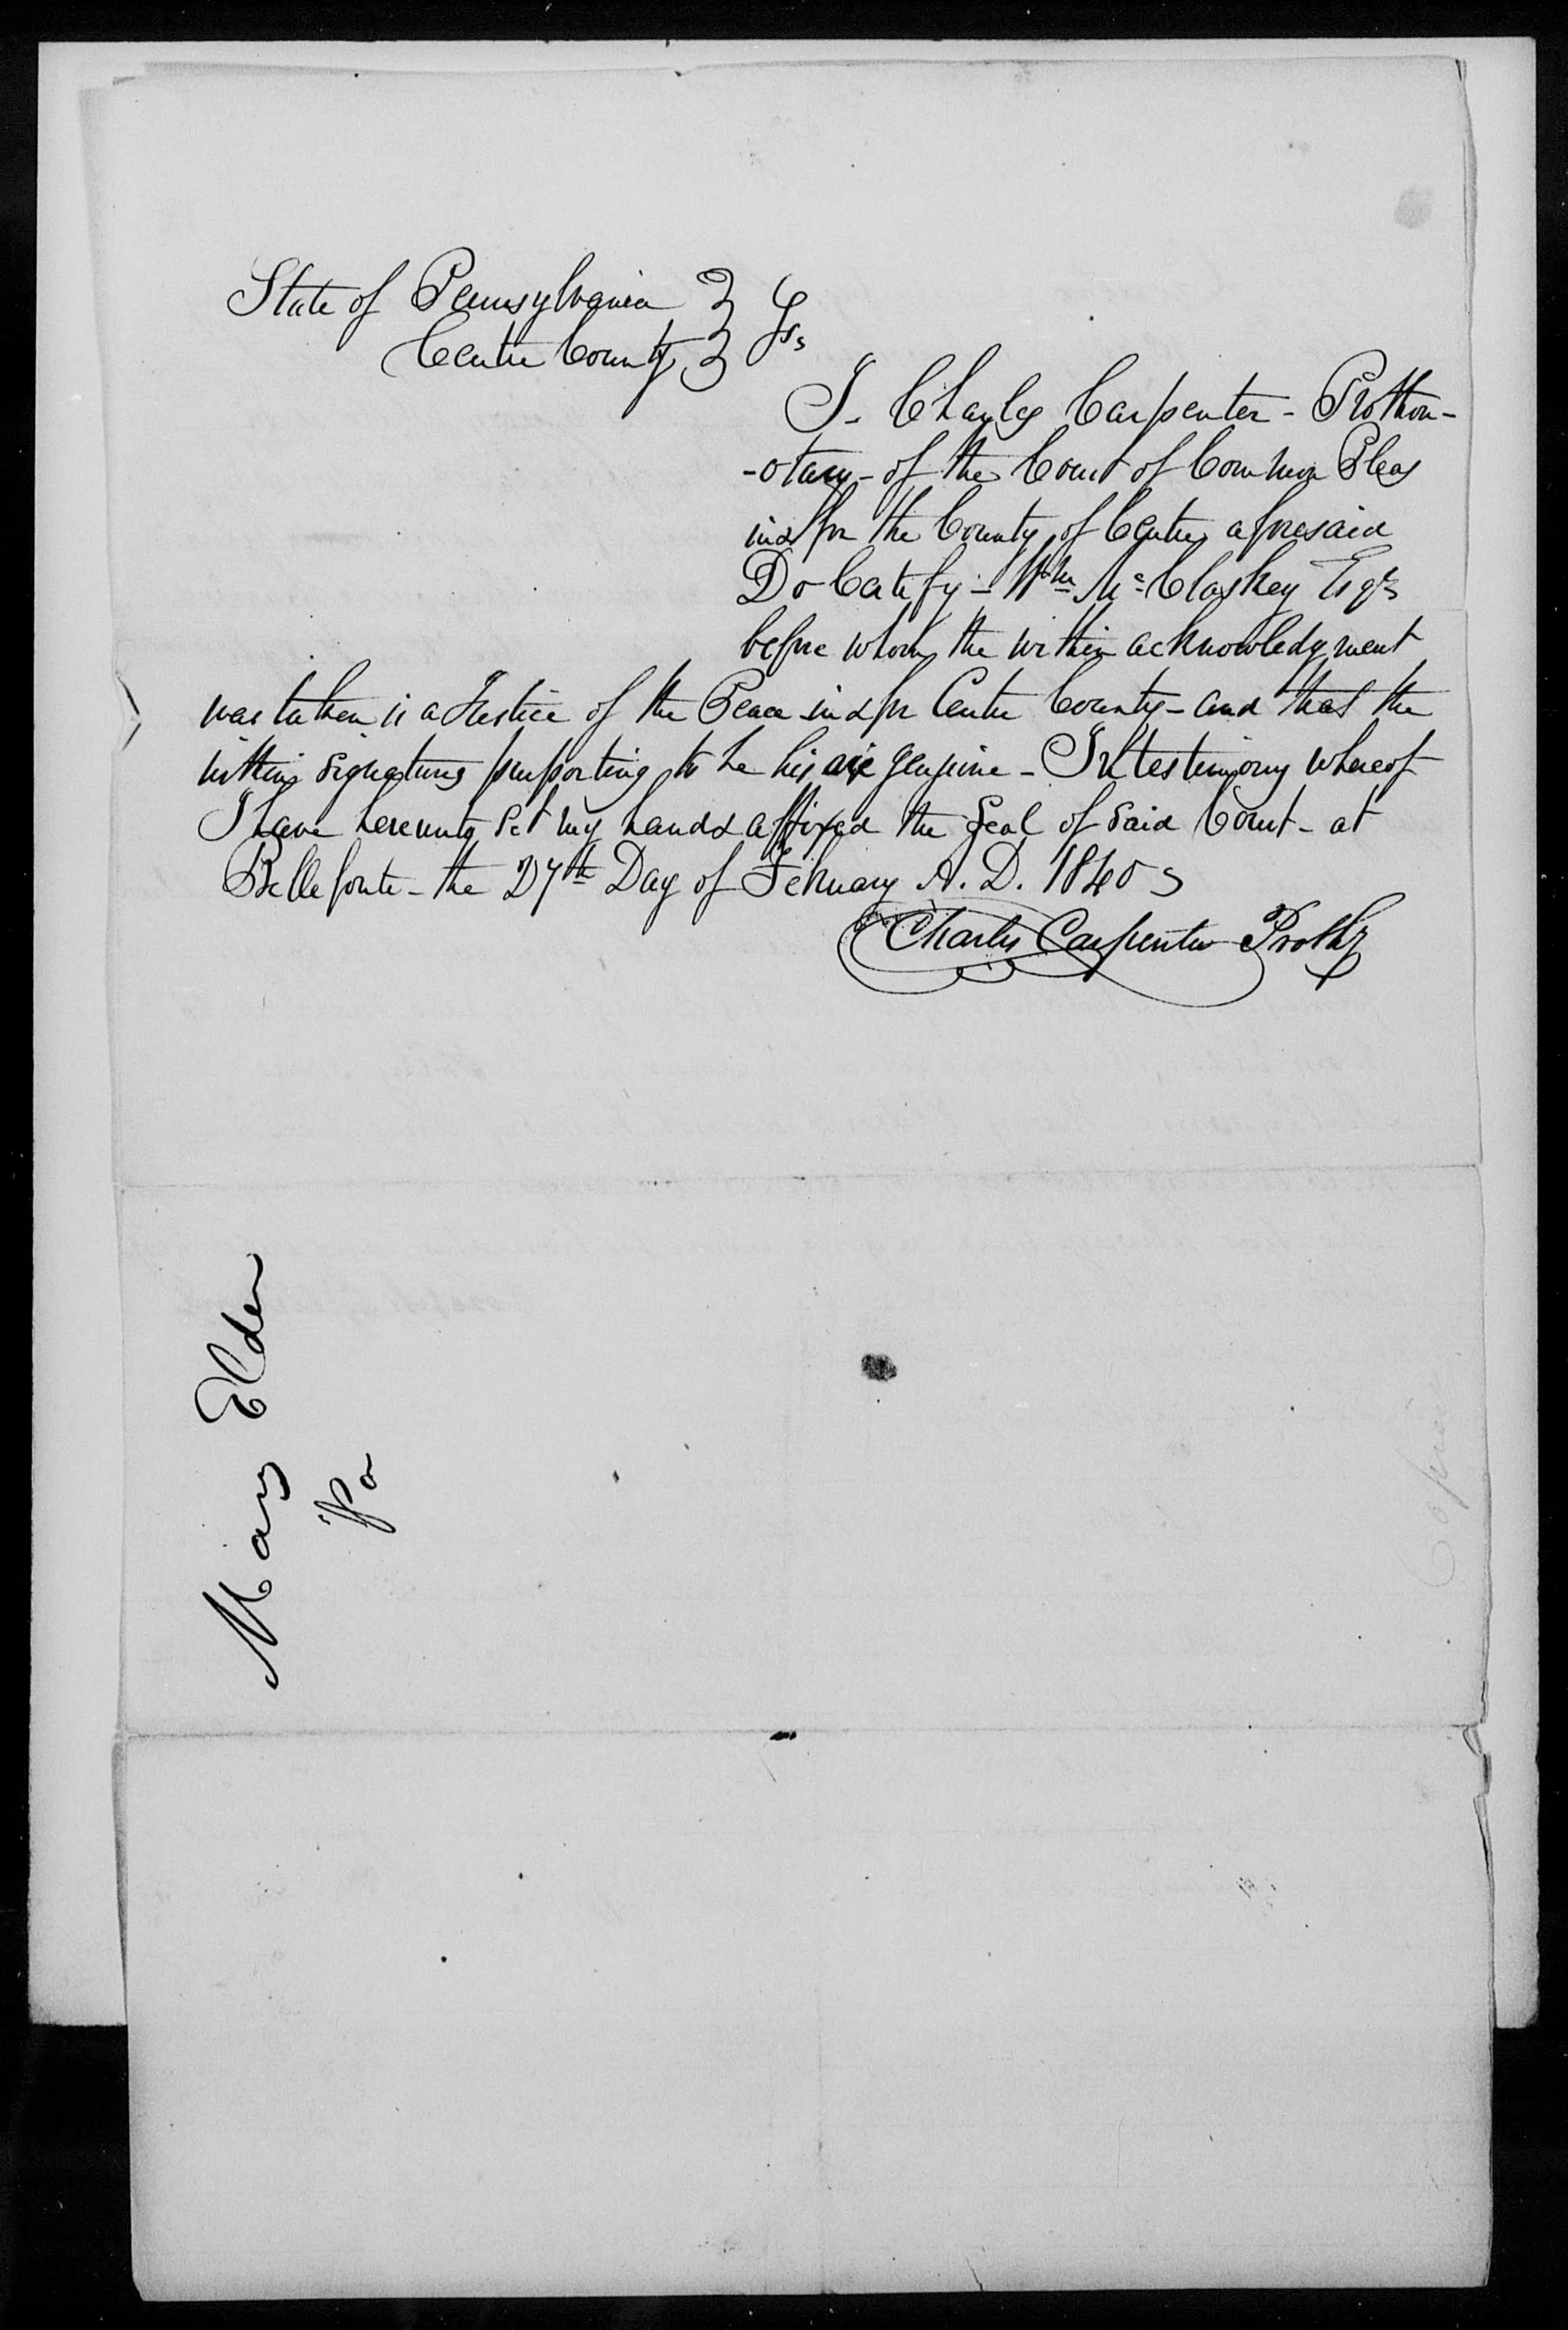State of Pennsylvania
Centre County
I Charles Carpenter - Prothonotary of the Court of Common Pleas in and for the County of Centre aforesaid Do Certify William Mc Closkdy Esq before whom the written acknowledgement was taken is a Justice of the Peace in and for Centre County - and thta the written signatures purporting to him are genuine. In testimonry, whereof I have hereunto set my hand and  affixed the Seal of Said Court - at Bellefonte the 27th Day of February A.D. 1840
[signature] Charles Carpenter, Proth.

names: Wm Mc Claskey, Mary Elder, Charles Carpenter, Charles Carpenter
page: 35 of 80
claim: widow's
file: W. 24117, John Elder, Penn.